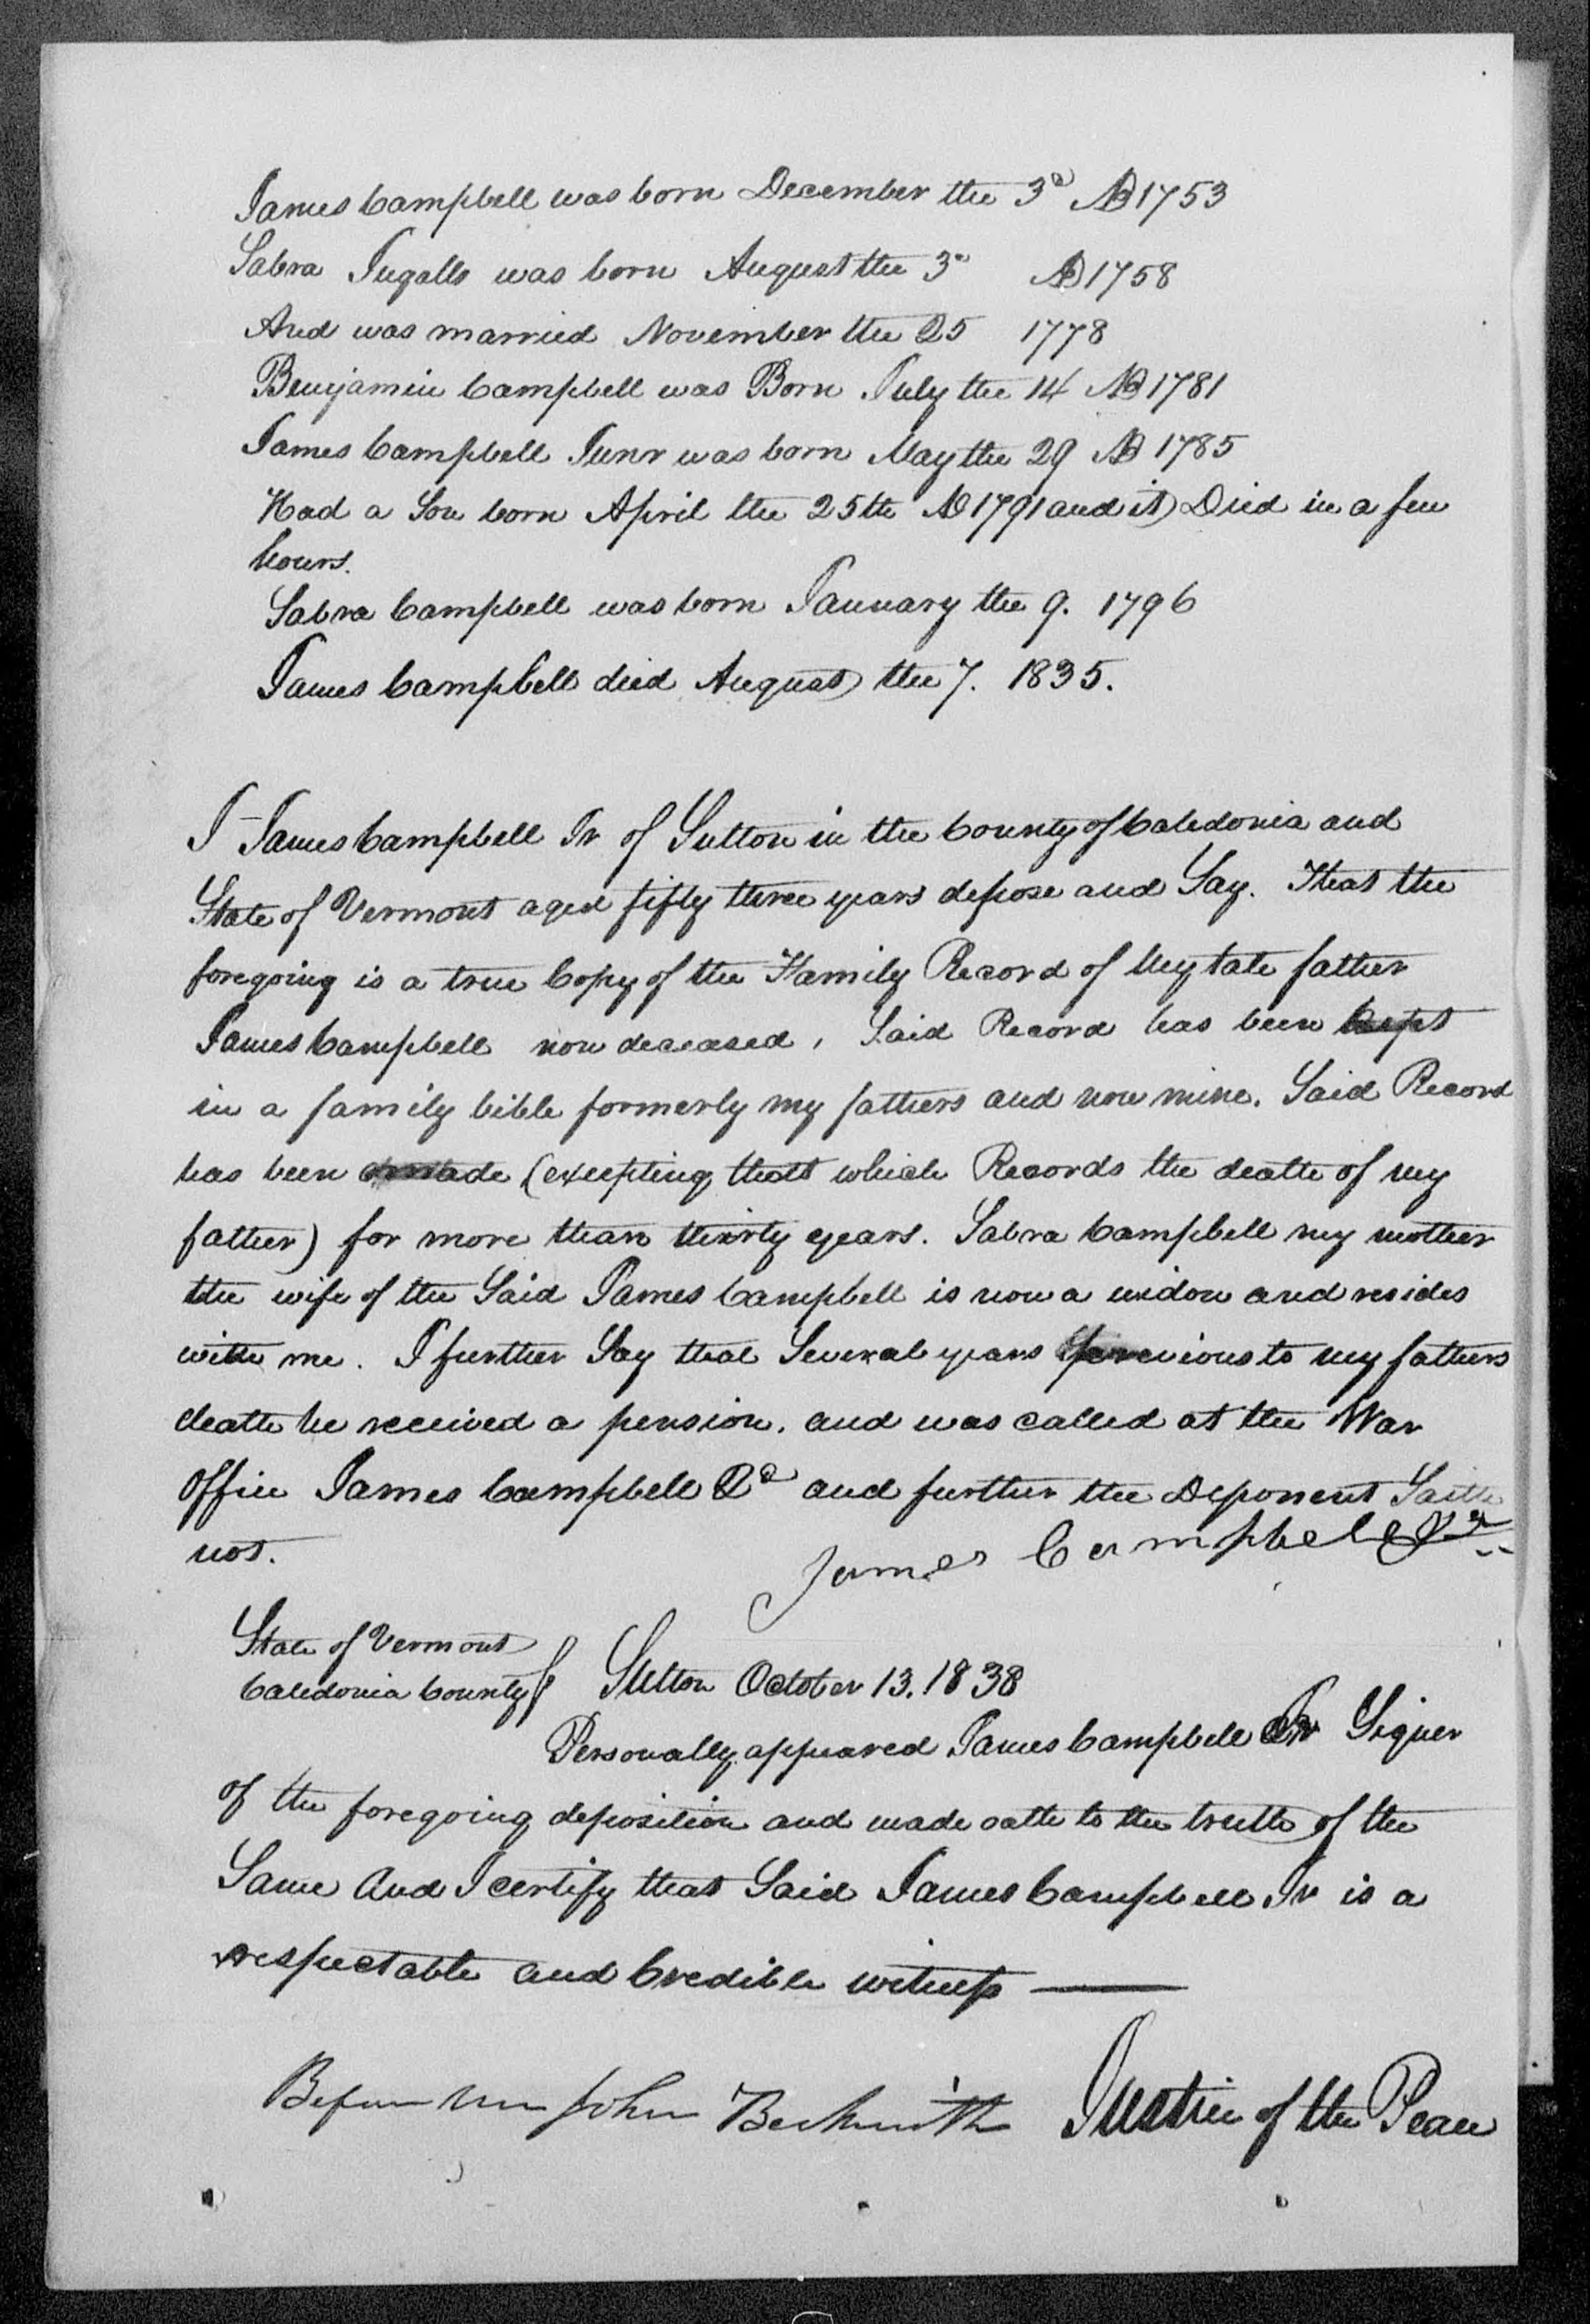James Campbell was born December the 3d AD 1753
Sabra Ingalls was born August the 3d AD 1758
And was married November the 25 1778
Benjamin Campbell was Born July the 14 AD 1781
James Campbell Junr was born May the 29 AD 1785
Had a Son born April the 25th AD 1791 and it Died in a few hours.
Sabra Campbell was born January the 9. 1796
James Campbell died August the 7. 1835.

I James Campbell Jr of Sutton in the County of Caledonia and State of Vermont aged fifty three years depose and Say. That the foregoing is a true copy of the Family Record of my late father James Campbell now deceased, Said Record has been kept in a family bible formerly my fathers and now mine. Said Record has been made (excepting that which Records the death of my father) for more than thirty years. Sabra Campbell my mother the wife of the Said James Campbell is now a widow and resides with me. I further Say that Several years previous to my fathers death he received a pension, and was called at the War office James Campbell 2d and further the Deponent Saith not.
James Campbell Jr.

State of Vermont
Caledonia County ss Sutton October 13. 1838
Personally appeared James Campbell Jr Signer
of the foregoing deposition and made oath to the truth of the Same and I certify that Said James Campbell Jr is a respectable and credible witness -
Before me John Beckwith Justice of the Peace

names: Sabra Ingalls, Benjamin Campbell, James Campbell, Sabra Campbell, John Beckwith, James Campbell, James Campbell, James Campbell, Sabra Campbell, James Campbell, James Campbell, James Campbell, James Campbell, James Campbell, James Campbell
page: 15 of 67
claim: widow's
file: W. 23772, James Campbell, Continental Mass.